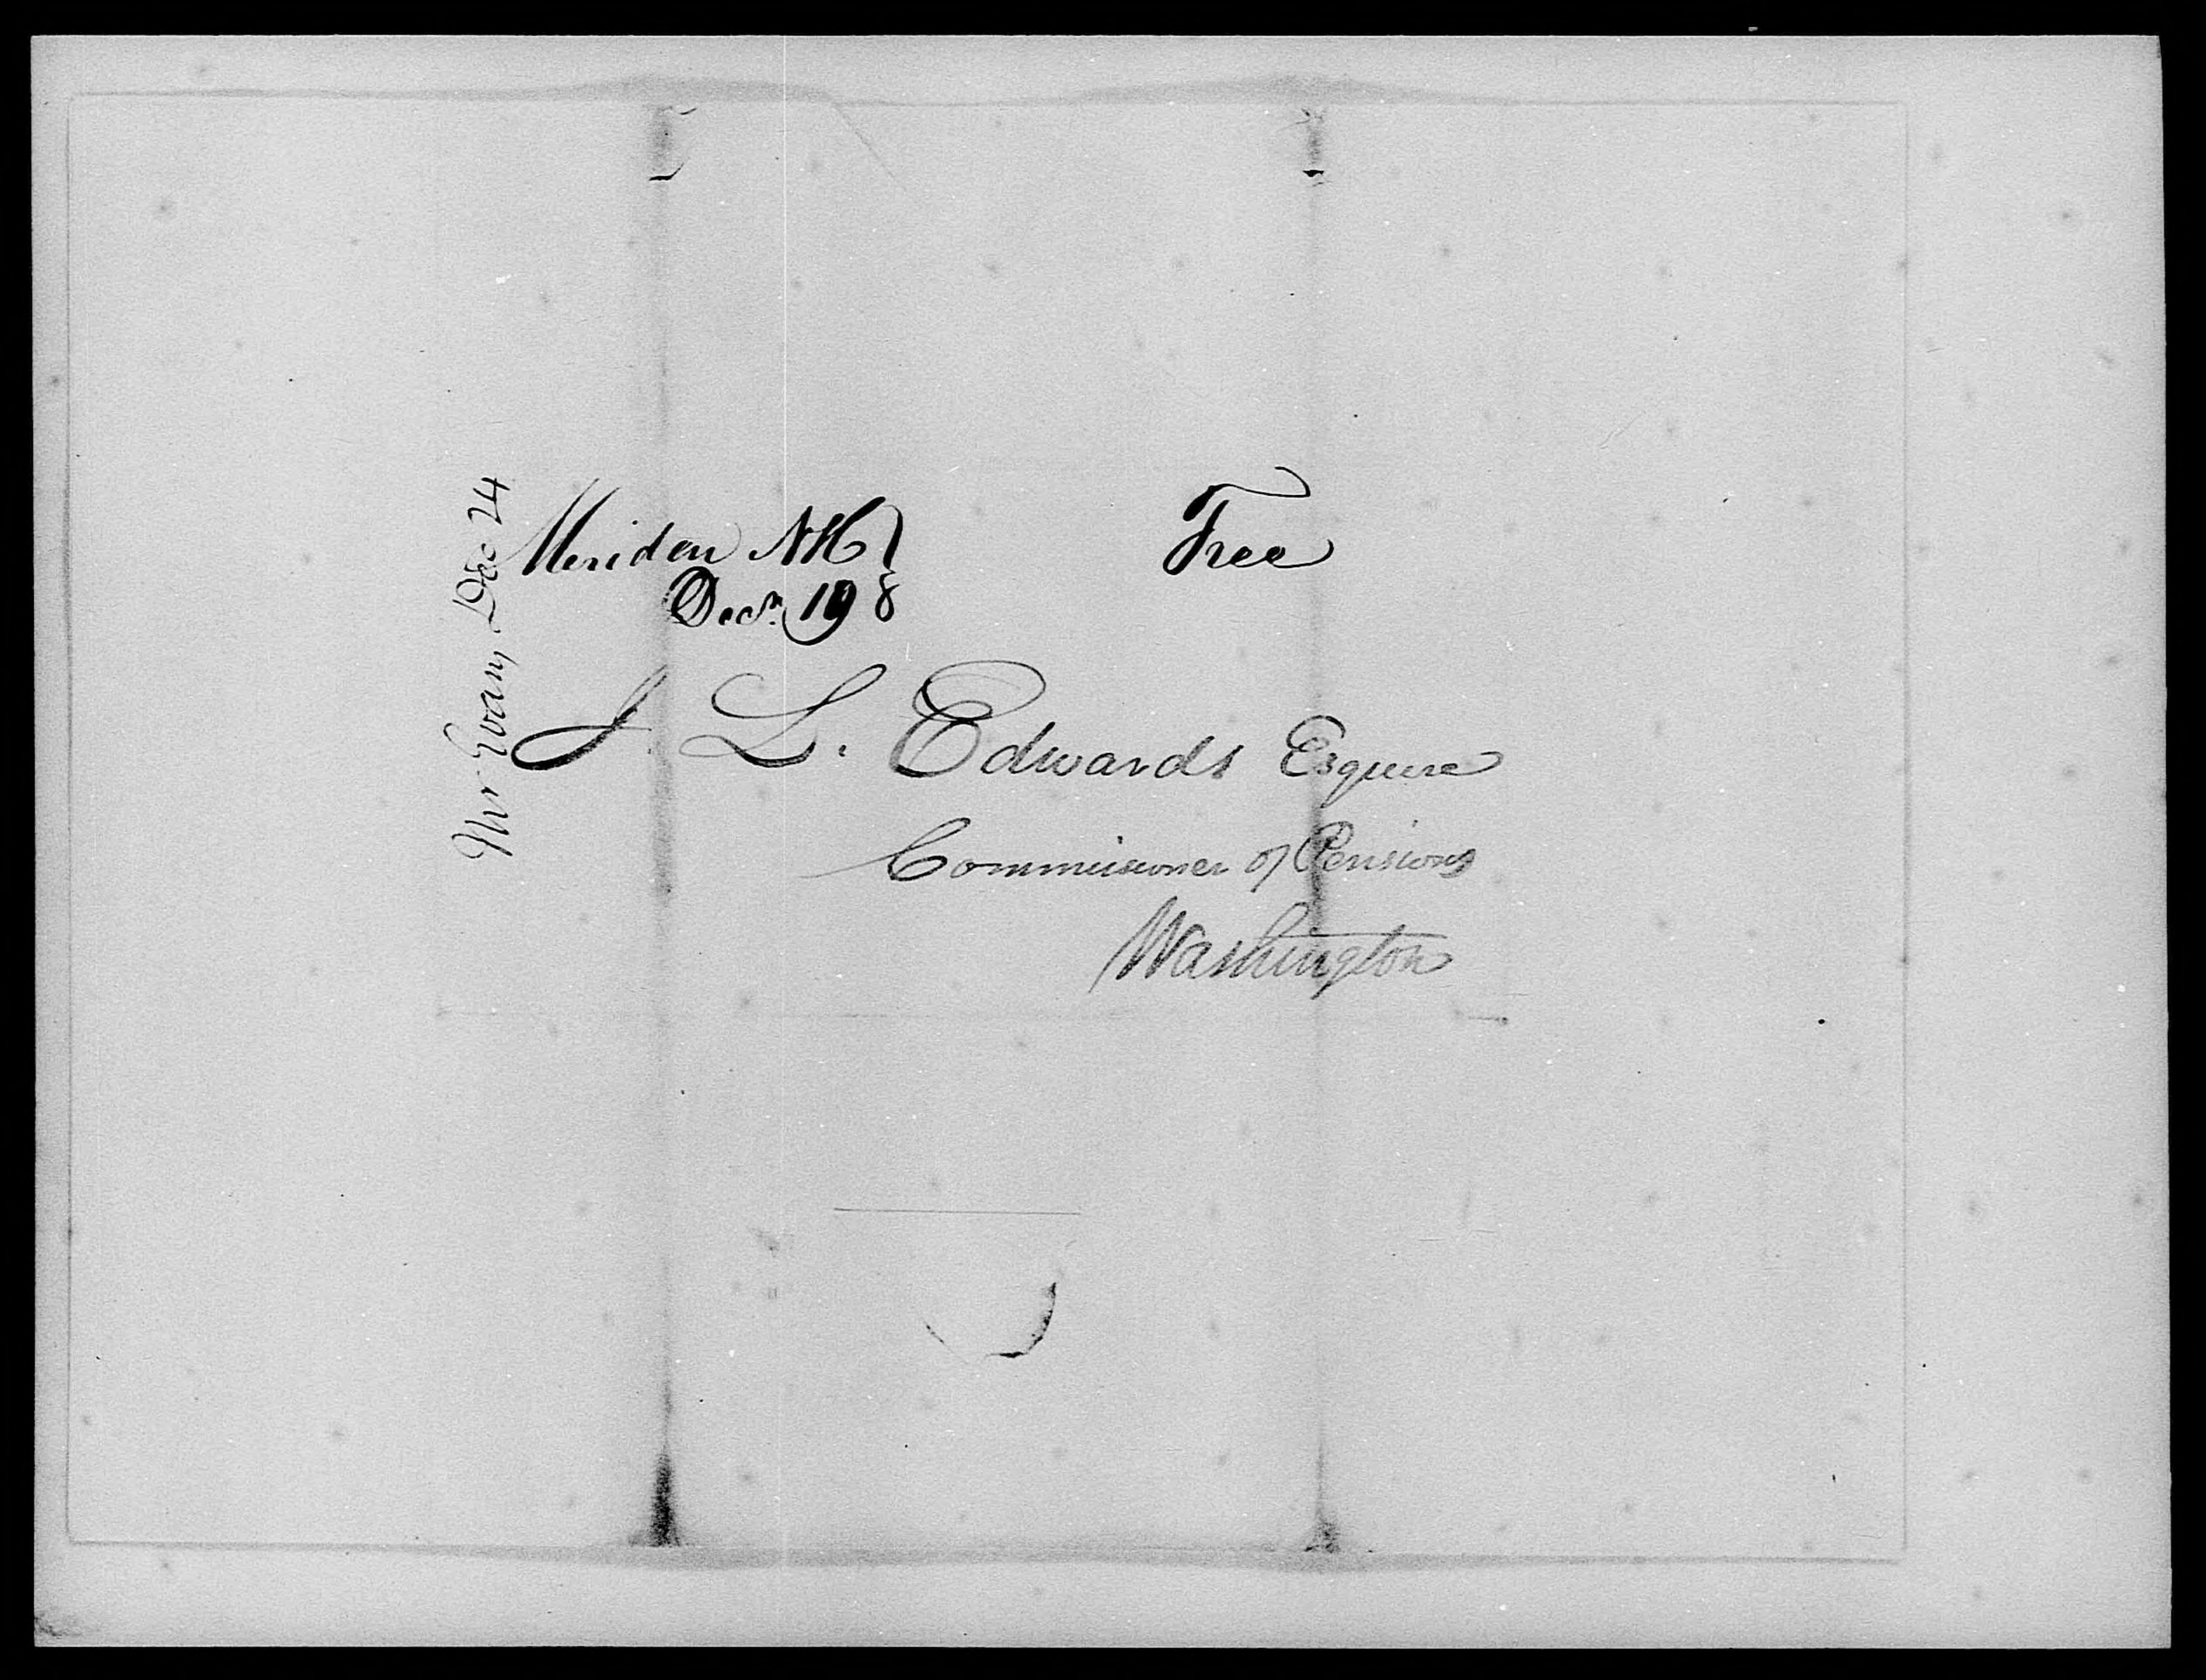Meriden N.H.         Free
Dec'r 19 8

J.L. Edwards Esquire
Commissioner of Pensions
Washington

[written vertically on left side of page]

Mr Evans,  Dec 24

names: [BLANK] Evans; J L Edwards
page: 31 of 38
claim: survivor's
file: S. 43181, for Ezekiel Stone, New Hampshire